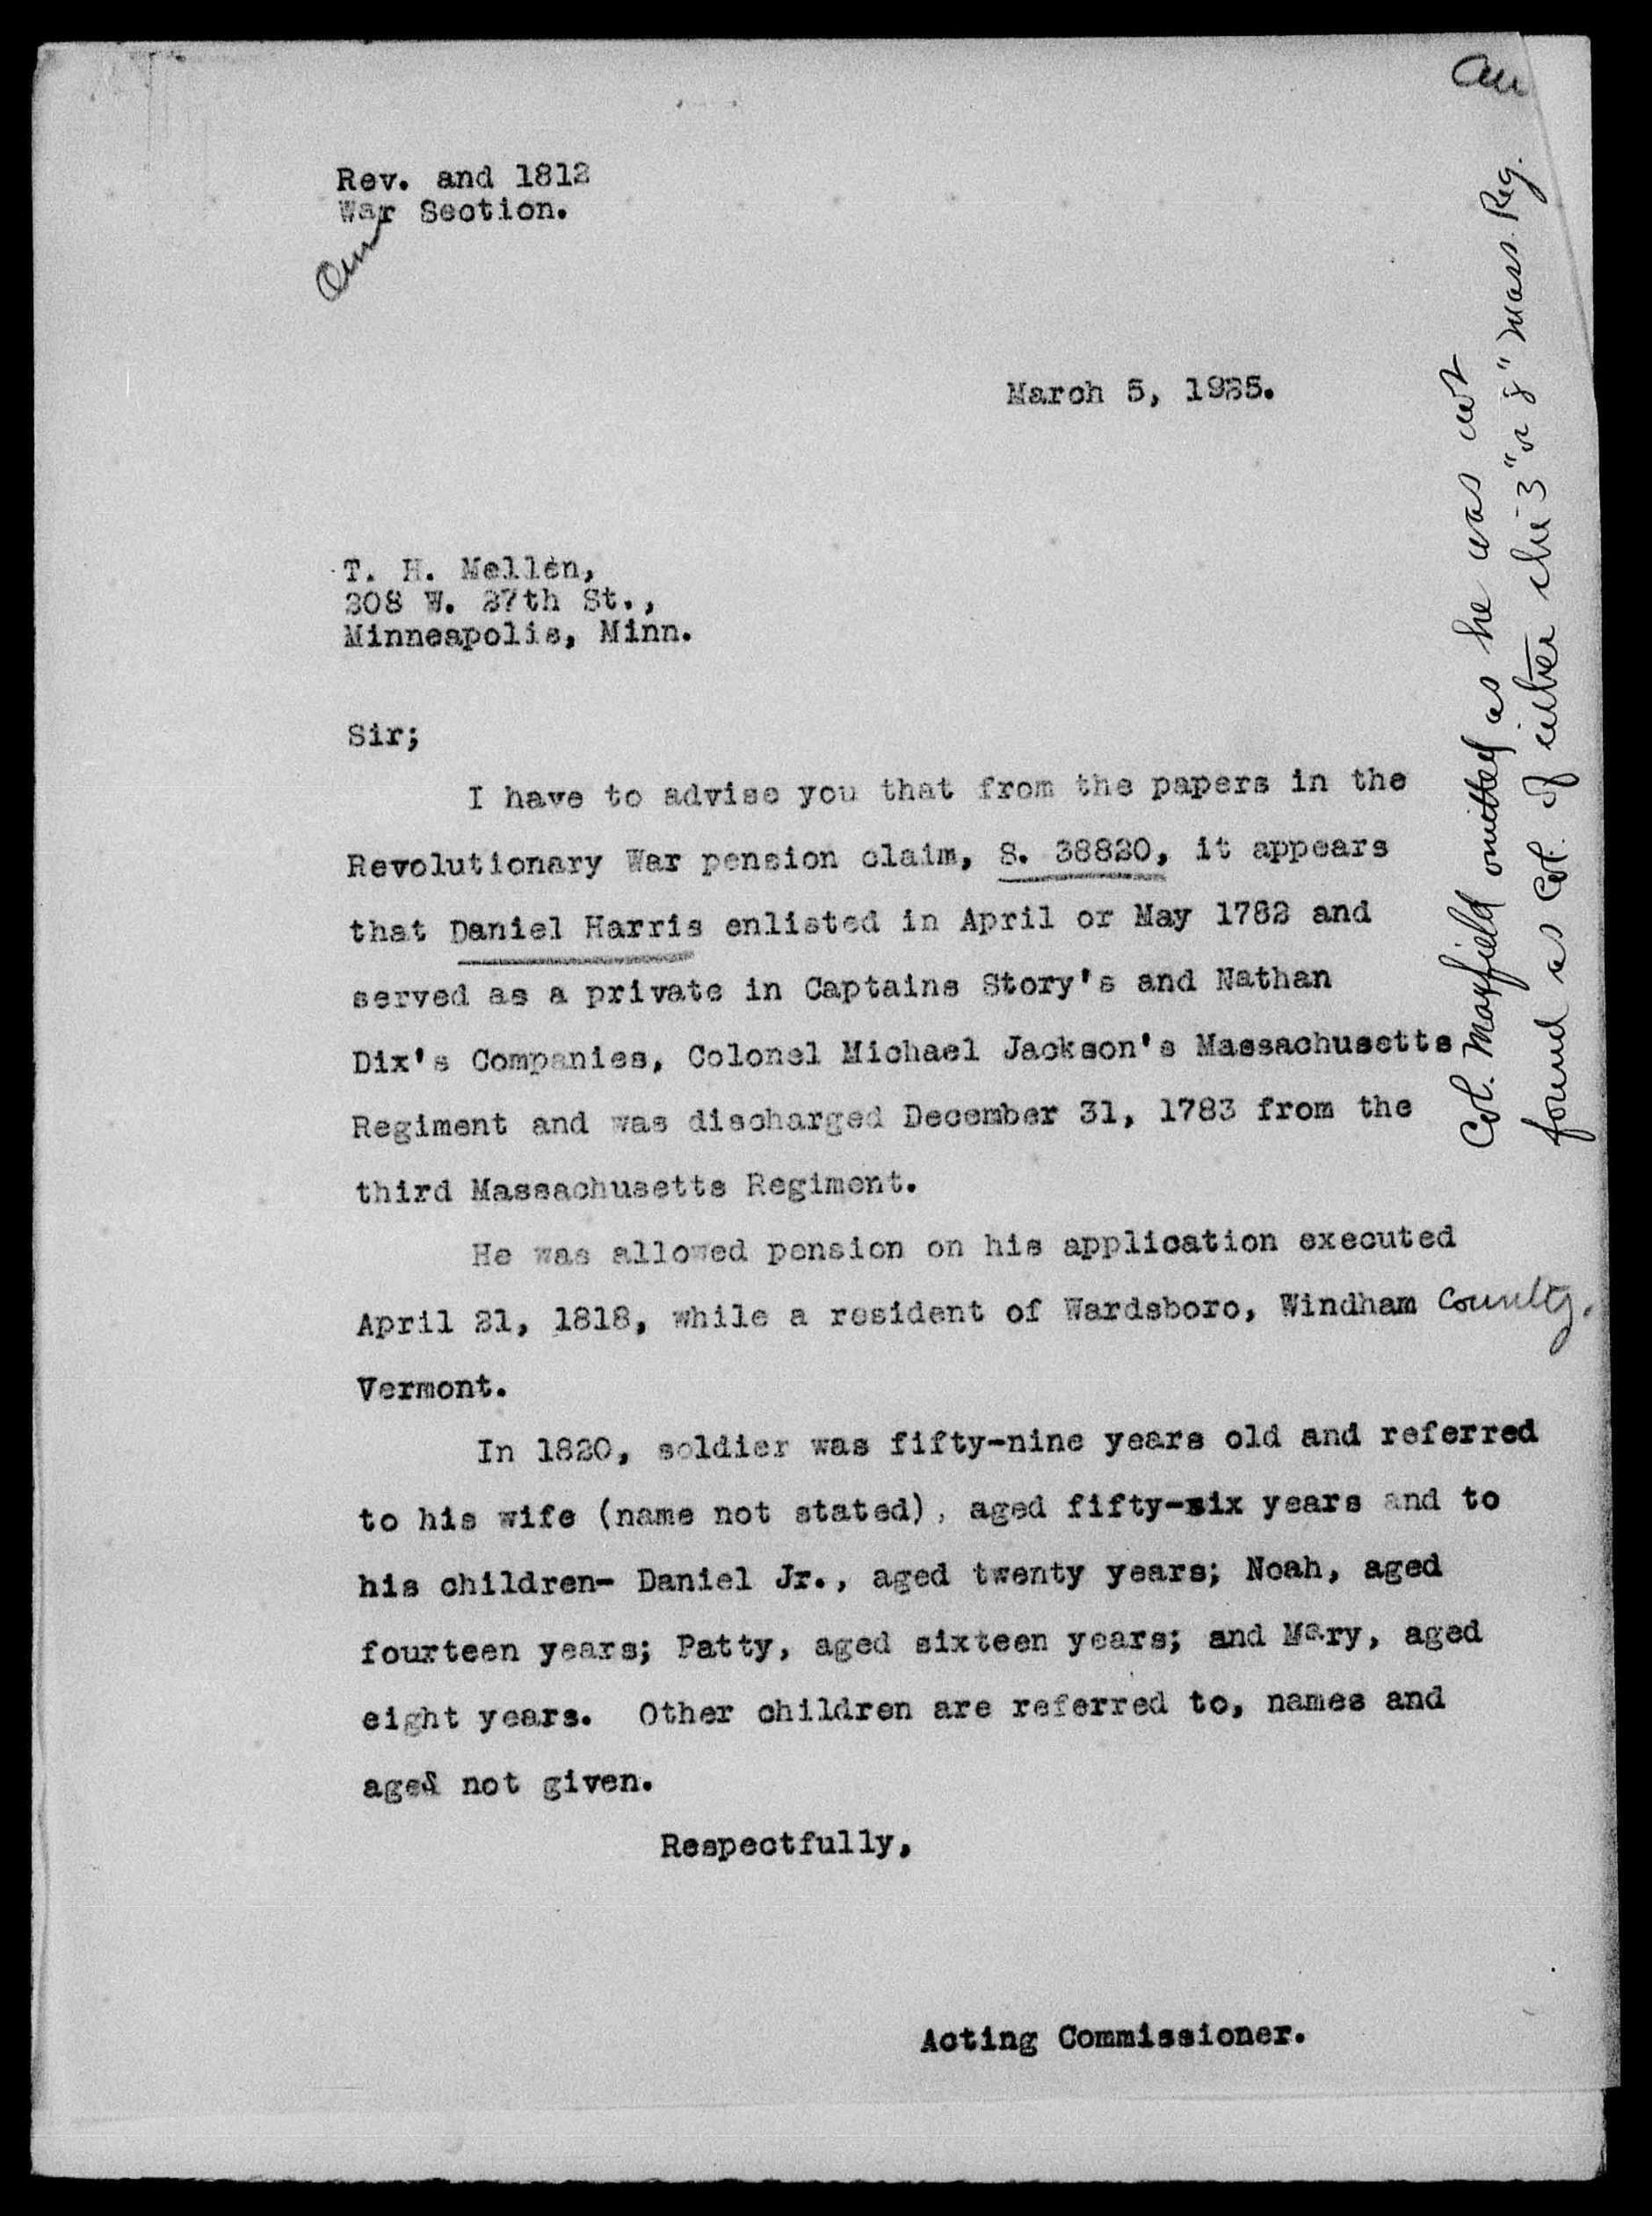Rev. and 1812
War Section 

March 5, 1955

T.H. Nellen
208 W. 27th St., 
Minneapolix, Minn. 

Sir;
I have to advise you that from the papers in the Revolutionary War pension claim, S. 38820, it appears that Daniel Harris enlisted in April or May 1782 and served as a private in Captains Story's and Nathan Dix's Companies, Colonel Michael Jackson's Massachusetts Regiment and was discharged December 31, 1783 from the third Massachusetts Regiment.

He was allowed pension on his application executed April 21, 1818, while a resident of Wardsboro, Windham County, Vermont. 

In 1820, a soldier was fifty-nine years old and referred to his wife (name not stated), aged firfy-six years and to his children - Daniel Jr, aged twenty years;  Noah, aged fourteen years;  Patty, aged sixteen years;  and Mary, aged eight years.  Other children are referred to, names and ages not given. 
Respectfully, 


Acting Commissioner. 

[Vertical Text]
Colonel Mayfield omitted as he was not found as Col. of either the 3 or "8" Mass. Reg.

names: Noah, Maxfield, Patty, Daniel, Daniel Harris, Mary, T H Mellen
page: 37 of 68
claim: survivor's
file: S. 29,877, Daniel Harris, Mass.